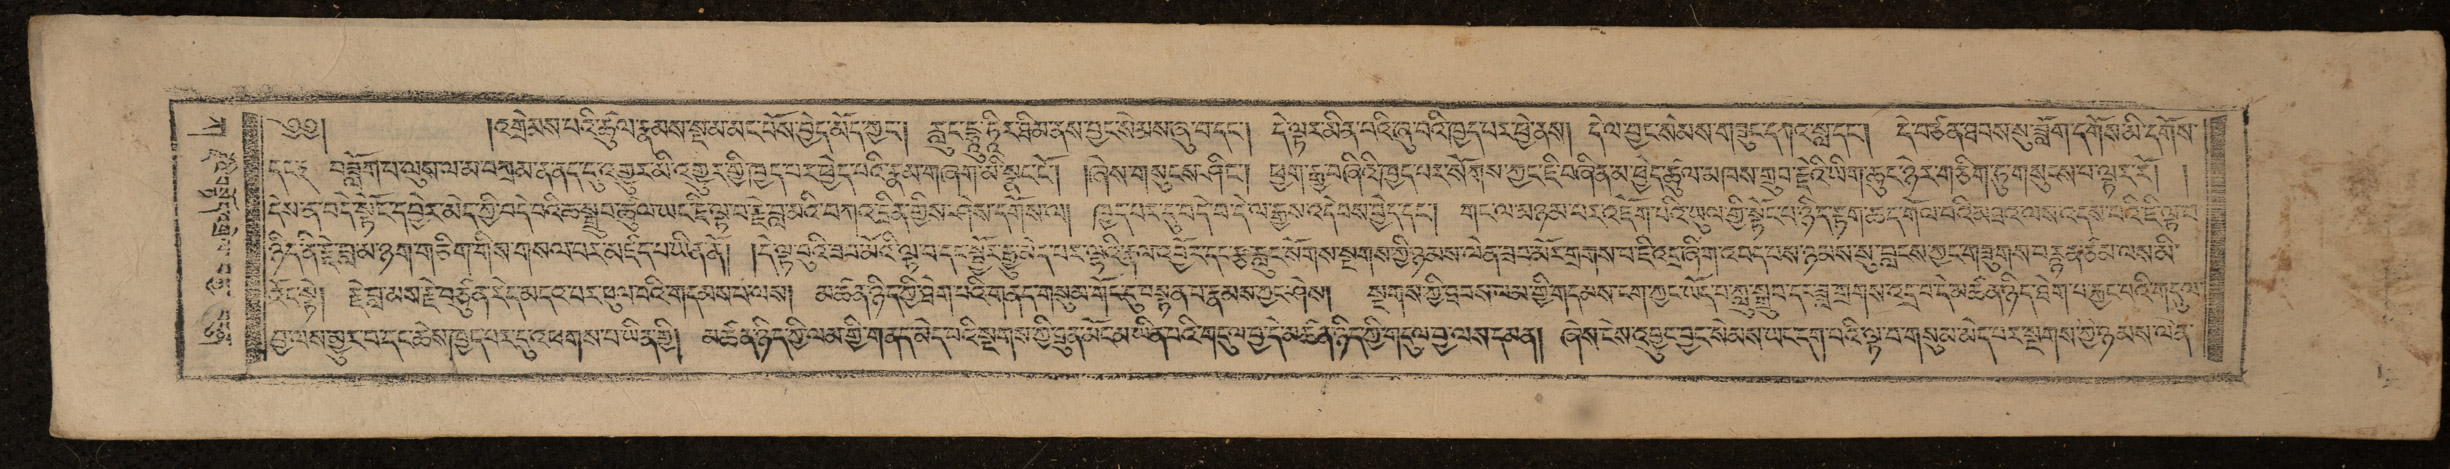༄༅། །འགྲིམས་པའི་ཚུལ་རྣམས་སྔ་མ་མང་པོས་བྱེད་མོད་ཀྱང་། རླུང་དྷཱུ་ཏཱིར་ཐིམ་ནས་བྱང་སེམས་ཞུ་བ་དང་། དེ་ལྟར་མིན་པའི་ཞུ་བའི་ཁྱད་པར་ཕྱེ་ནས། དེ་ལ་བྱང་སེམས་གཟུང་དཀའ་སླ་དང་། དེ་བཙན་ཐབས་སུ་ཟློག་དགོས་མི་དགོས་
དང༑ བཟློག་པ་ལུས་ལམ་འདྲ་མན་ནད་དུ་འགྱུར་མི་འགྱུར་གྱི་ཁྱད་པར་ཕྱེད་པའི་རྣམ་གཞག་མི་སྣང་ངོ། །ཞེས་གསུངས་ཤིང་། ཕྱག་རྒྱ་བཞིའི་ཁྱད་པར་སོགས་ཀྱང་ཇི་བཞིན་མ་ཕྱེད་ཚུལ་མཁས་གྲུབ་རྗེའི་ཡིག་ཆུང་ཉེར་གཅིག་ཏུ་གསུངས་པ་ལྟར་རོ། །
དེས་ན་བདེ་སྟོབ་དབྱེར་མེད་ཀྱི་བདེ་བའི་ཆ་སྒྲུབ་ཏུ་ལ་ཡང་ཇི་ལྟ་བ་རྗེ་བླ་མའི་བཀའ་དྲིན་གྱིས་ཤེས་དགོས་ལ། ཁྱད་པར་དུ་བདེ་བདེ་ལ་རྒྱས་འདེབས་བྱེད་དང་། གང་ལ་མཉམ་པར་འཇོག་པའི་ཡུལ་གྱི་སྟོང་པ་ཉིད་རྟག་ཆད་གོལ་བའི་མཐའ་ལས་འདས་པའི་ཇི་ལྟ་བ་
ཉིད་ནི་རྗེ་བླ་མ་ཉག་གཅིག་གིས་གསལ་བར་མཛད་པ་ཡིན་ནོ། །དེ་ལྟ་བུའི་ཟབ་མོའི་ལྟ་བ་དང་སྦྱོར་རྒྱུ་མེད་པར་ལྷའི་རྣལ་འབྱོར་དང་རྩ་རླུང་སོགས་སྔགས་ཀྱི་ཉམས་ལེན་ཟབ་མོར་གྲགས་པ་ཇི་འདྲའི་ཞིག་འབད་པས་ཉམས་སུ་བླངས་ཀྱང་གཟུགས་བརྙན་ཙམ་ལས་མི་
འོང་སྟེ། རྗེ་བླ་མས་རྗེ་བཙུན་རང་མདའ་བར་ཕུལ་པའི་གདམས་པ་ལས། མཚན་ཉིད་ཀྱི་ཐེག་པའི་གནད་གསུམ་གོང་དུ་བསྟན་པ་རྣམས་ཀྱང་ཤེས། སྔགས་ཀྱི་ཐབས་ལམ་གྱི་གདམས་ངག་ཀྱང་ཡོད་པ་ཀླུ་སྒྲུབ་དང་ཟླ་གྲགས་འདྲ་བ་དེ་མཚན་ཉིད་ཐེག་པ་རྐྱང་པའི་གདུལ་
བྱ་ལས་མྱུར་པ་དང་ཆེས་ཁྱད་པར་དུ་འཕགས་པ་ཡིན་གྱི། མཚན་ཉིད་ཀྱི་ལམ་གྱི་གནད་མེད་པའི་སྔགས་ཀྱི་ཐུན་མོང་མ་ཡིན་པའི་གདུལ་བྱ་དེ་མཚན་ཉིད་ཀྱི་གདུལ་བྱ་ལས་དམན། ཞེས་ངེས་འབྱུང་བྱང་སེམས་ཡང་དག་པའི་ལྟ་བ་གསུམ་མེད་པར་སྔགས་ཀྱི་ཉམས་ལེན་